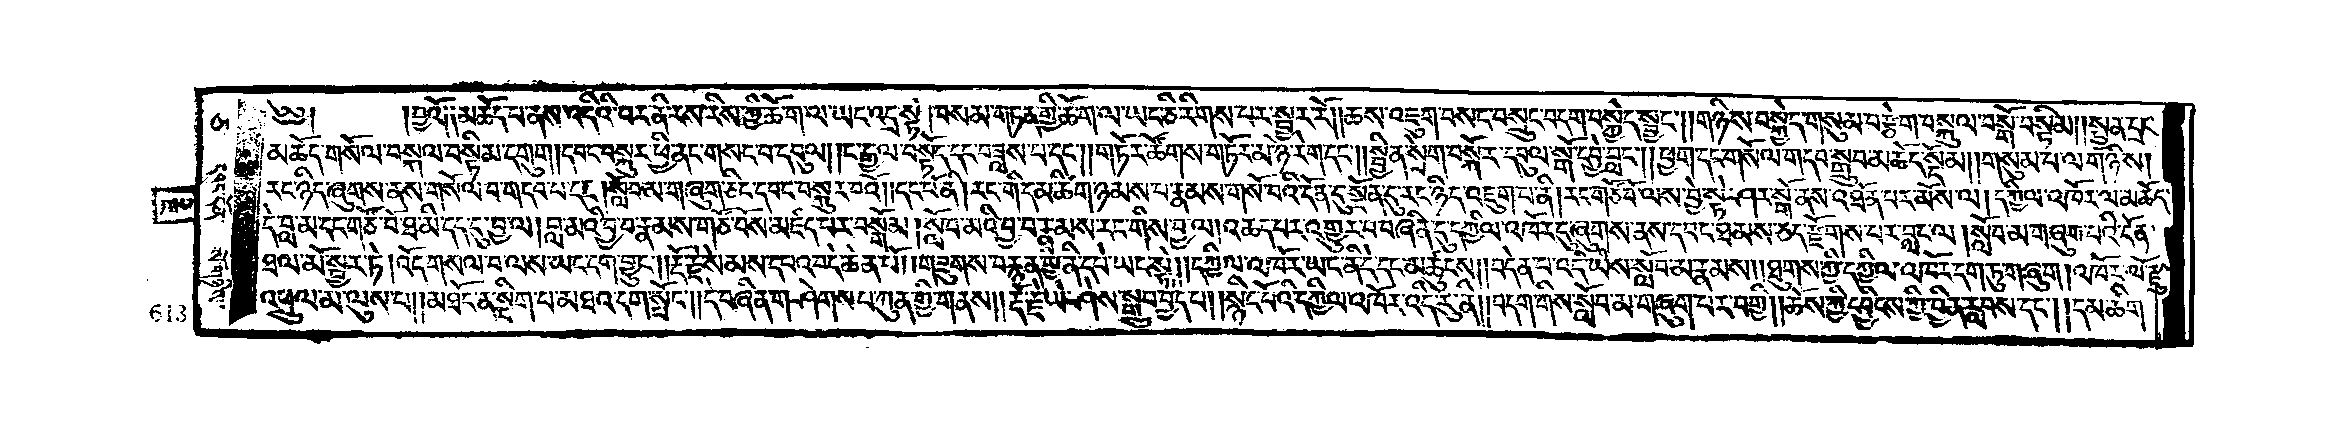༄༅། །བྱའོ༑ ༑མཆོད་པ་ནས་འདིའི་བར་ནི་རས་རིས་ཀྱི་ཆོ་ག་ལ་ཡང་འདྲ་སྟེ། བསམ་གཏན་གྱི་ཆོ་ག་ལ་ཡང་ཅི་རིགས་པར་སྦྱར་རོ། །ཆས་འཇུག་བསང་བསྲུང་བདག་བསྐྱེད་སྦྱང་། །གཉིས་བསྐྱེད་གསུམ་བརྩེག་བསྐུལ་བསྒོ་བསྟིམ། །སྤྱན་དྲང་
མཆོད་གསོལ་བསྐལ་བསྟིམ་དགུག །དབང་བསྐུར་ཕྱི་ནང་གསང་བ་དབུལ། །ང་རྒྱལ་བསྟོད་དང་བཟླས་པ་དང་། །གཏོར་ཚེགས་གཏོར་མ་ཉེ་རེག་དང་། །སྦྱིན་སྲེག་བསྐོར་དབུལ་སྒོ་དབྱེ་བླང་། །ཕྱག་དང་གསོལ་གདབ་སྒྲུབ་མཆོད་སྡོམ། །གསུམ་པ་ལ་གཉིས།
རང་ཉིད་ཞུགས་ནས་གསོལ་བ་གདབ་པ་དང་། སློབ་མ་གཞུག་ཅིང་དབང་བསྐུར་བའོ། །དང་པོ་ནི། རང་གི་དམ་ཚིག་ཉམས་པ་རྣམས་གསོ་བའི་དོན་དུ་སྔོན་དུ་རང་ཉིད་འཇུག་པ་ནི། རང་གཙོ་བོ་ལས་བྱེ་སྟེ་ཤར་སྒོ་ནས་འཐོན་པར་མོས་ལ། དཀྱིལ་འཁོར་ལ་མཆོད་
དེ་བླ་མ་དང་གཙོ་བོ་ཐ་མི་དད་དུ་བྱ་ལ། བླ་མའི་བྱ་བ་རྣམས་གཙོ་བོས་མཛད་པར་བསྒོམ། སློབ་མའི་བྱ་བ་རྣམས་རང་གིས་བྱ་ལ། འཆད་པར་འགྱུར་བ་བཞིན་དུ་དཀྱིལ་འཁོར་དུ་ཞུགས་ནས་དབང་ཐམས་ཅད་རྫོགས་པར་བླང་ལ། སློབ་མ་གཞུག་པའི་དོན་དུ་
ཐལ་མོ་སྦྱར་ཏེ། འོད་གསལ་བ་ལས་ཡང་དག་བྱུང་། །རྡོ་རྗེ་སེམས་དཔའ་བདེ་ཆེན་པོ། །གཟུགས་བརྙན་གྱི་ནི་དཔེ་ཡང་སྟེ། །དཀྱིལ་འཁོར་ཡང་ནི་དེ་དང་མཚུངས། །བདེན་པ་འདི་ཡིས་སློབ་མ་རྣམས། །ཐུགས་ཀྱི་དཀྱིལ་འཁོར་དག་ཏུ་གཞུག །འཁོར་ལོ་རྫུ་
འཕྲུལ་མ་ལུས་པ། །མཐོང་ན་སྡིག་པ་མཐའ་དག་སྤོང་། །དེ་བཞིན་གཤེགས་པ་ཀུན་གྱི་གནས། །རྡོ་རྗེ་ཡེ་ཤེས་སྒྲུབ་བྱེད་པ། །སྙིང་པོའི་དཀྱིལ་འཁོར་འདི་རུ་ནི། །བདག་གིས་སློབ་མ་གཞུག་པར་བགྱི། །ཆོས་ཀྱི་དབྱིངས་ཀྱི་བྱིན་རླབས་དང་། །དམ་ཚིག་